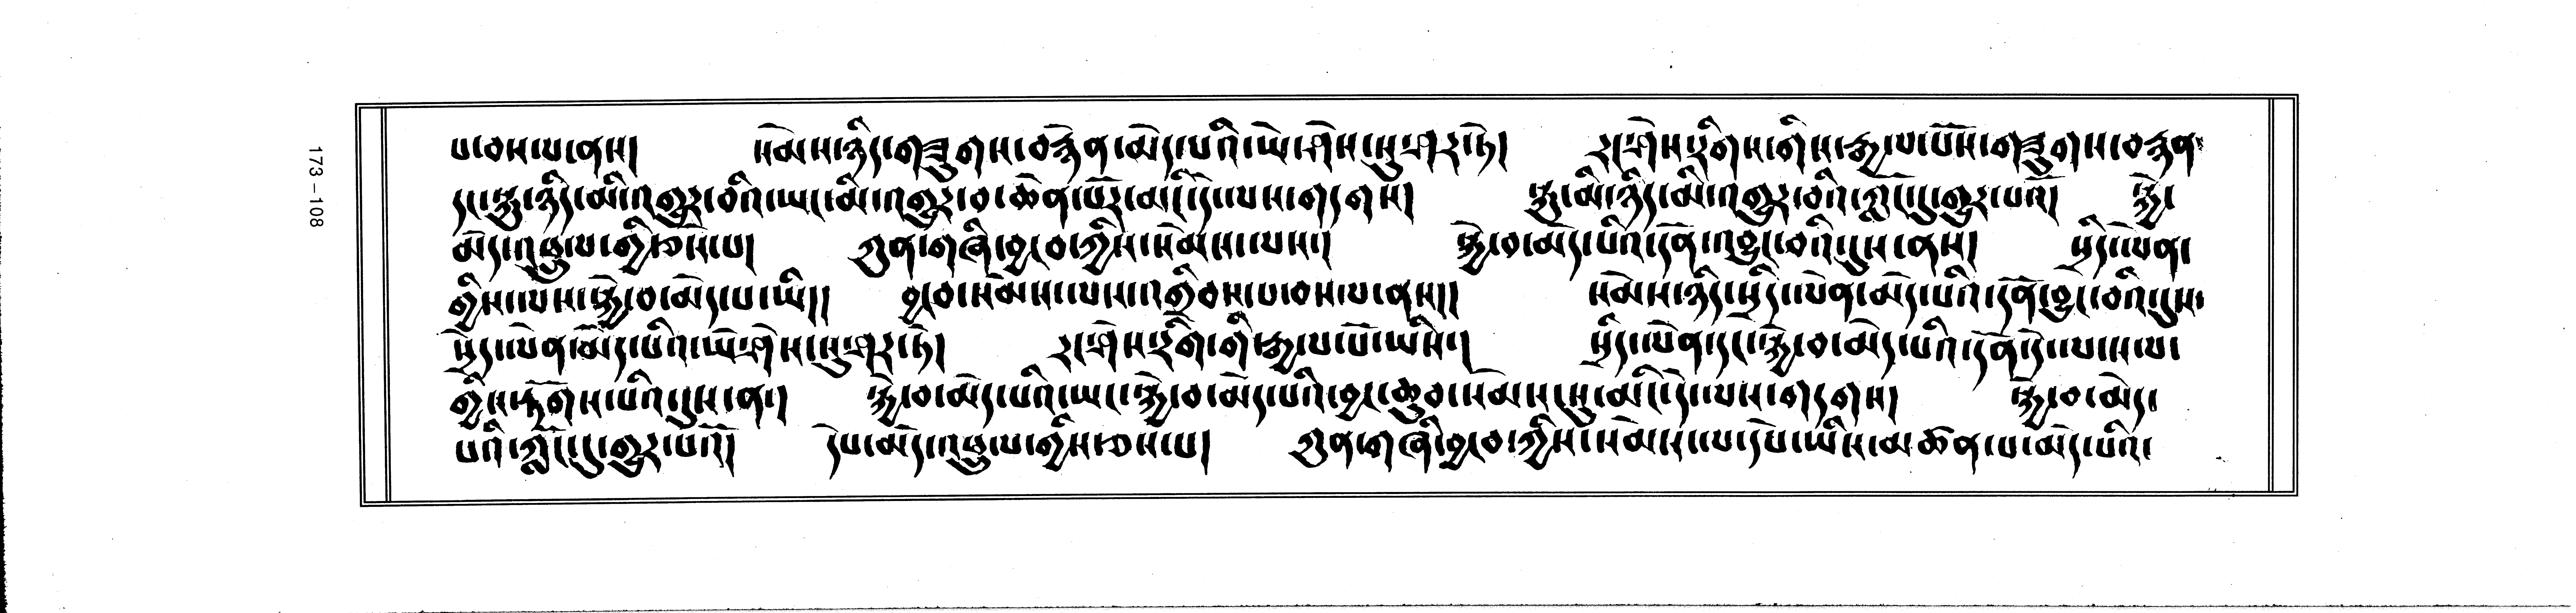པ་བསལ་ནས། སེམས་ཉིད་གཟུགས་བརྙན་མེད་པའི་ཡེ་ཤེས་སུ་ཤར་ཏེ། རང་ཤེས་རིག་གི་རྒྱལ་པོས་གཟུགས་བརྙན་
དང་སྐུ་ཉིད་མི་འགྱུར་བའི་ཡང་མི་འགྱུར་བ་ཆེན་པོར་མིང་དེ་ལས་གདགས། སྐུ་ཉིད་མི་འགྱུར་བའི་ཀློང་དུ་གྱུར་པའོ། །སྐྱེ་
མེད་འཕྲུལ་གྱི་ཅེས་པས། ཀུན་གཞི་བྱང་ཆུབ་ཀྱི་སེམས་ལས། སྐྱེ་བ་མེད་པའི་དོན་འབྱུང་བའི་དུས་ན། སྲེད་ལེན་
གྱི་ལས་སྐྱེ་བ་མེད་པ་ཡིས་བྱང་ཆུབ་སེམས་ལས་འགྲིབ་པ་བསལ་ནས། སེམས་ཉིད་སྲེད་ལེན་མེད་པའི་དོན་འབྱུང་བའི་དུས་
སྲེད་ལེན་མེད་པའི་ཡེ་ཤེས་སུ་ཤར་ཏེ། རང་ཤེས་རིག་གི་རྒྱལ་པོ་ཡིས་སྲེད་ལེན་དང་སྐྱེ་བ་མེད་པའི་དོན་དེ་ལ་སལ་
གྱིས་རྟོགས་པའི་དུས་ན། སྐྱེ་བ་མེད་པའི་ཡང་སྐྱེ་བ་མེད་པའི་ཡང་སྐྱེ་བ་མེད་པའི་བྱང་ཆུབ་སེམས་སུ་ཡང་མིང་དེ་ལ་གདགས། སྐྱེ་བ་མེད་
པའི་ཀློང་དུ་གྱུར་པའོ། །དཔེ་མེད་འཕྲུལ་གྱི་ཅེས་པས། ཀུན་གཞི་བྱང་ཆུབ་ཀྱི་སེམས་ལ། དཔེ་ཡིས་མཚན་པ་མེད་པས་སྐྱེ་བ་མེད་པའི་